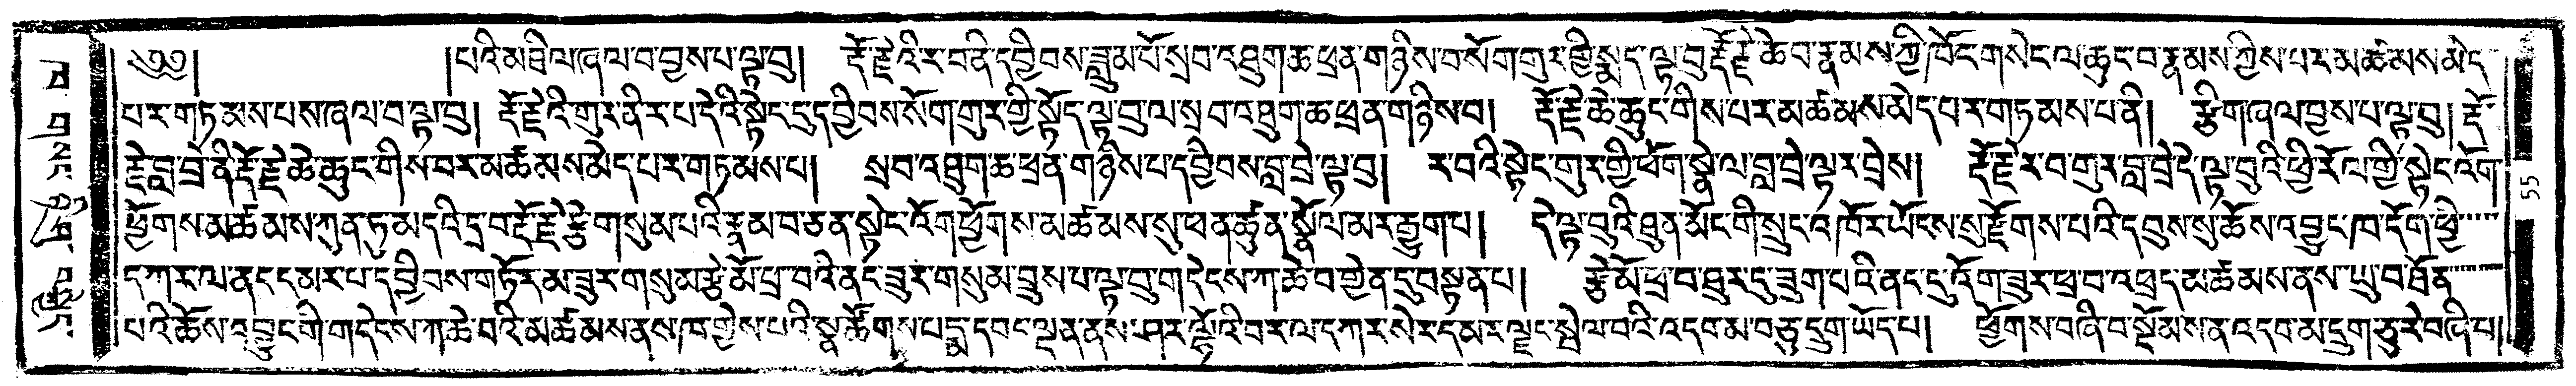༄༅། །པའི་མཐིལ་ཞལ་བ་བྱས་པ་ལྟ་བུ། རྡོ་རྗེའི་ར་བ་ནི་དབྱིབས་ཟླུམ་པོ་སྲབ་འཐུག་ཆ་ཕྲན་གཉིས་བསོག་གུར་གྱི་སྨད་ལྟ་བུ་རྡོ་རྗེ་ཆེ་བ་རྣམས་ཀྱི་ཁོང་གསེང་ལ་ཆུང་བ་རྣམས་ཀྱིས་བར་མཚམས་མེད་
པར་གཏམས་པས་ཞལ་བལྟ་བུ། རྡོ་རྗེའི་གུར་ནི་ར་པ་དེའི་སྟེང་དུ་དབྱིབས་སོག་གུར་གྱི་སྟོད་ལྟ་བུ་ལ་སྲབ་འཐུག་ཆ་ཕྲན་གཉིས་བ། རྡོ་རྗེ་ཆེ་ཆུང་གིས་པར་མཚམས་མེད་བར་གཏམས་པ་ནི། རྩིག་ཞལ་བྱས་པ་ལྟ་བུ། རྡོ་
རྗེ་བླ་བྲེ་ནི་རྡོ་རྗེ་ཆེ་ཆུང་གིས་བར་མཚམས་མེད་པར་གཏམས་པ། སྲབ་འཐུག་ཆ་ཕྲན་གཉིས་པ་དབྱིབས་བླ་བྲེ་ལྟ་བུ། ར་བའི་སྟེང་གུར་གྱི་ཕོག་སྣེ་ལ་བླ་བྲེ་ལྟར་བྲེས། རྡོ་རྗེ་ར་བ་གུར་བླ་བྲེ་དེ་ལྟ་བུའི་ཕྱི་རོལ་གྱི་སྟེང་འོག་
ཕྱོགས་མཚམས་ཀུན་ཏུ་མདའི་དྲ་བ་རྡོ་རྗེ་རྩེ་གསུམ་པའི་རྣམ་བ་ཅན་སྟེང་འོག་ཕྱོགས་མཚམས་སུ་ཕན་ཚུན་སྣོལ་མར་རྒྱུག་པ། དེ་ལྟ་བུའི་ཐུན་མོང་གི་སྲུང་འཁོར་ཡོངས་སུ་རྫོགས་པའི་དབུས་སུ་ཆོས་འབྱུང་ཁ་དོག་ཕྱི་
དཀར་ལ་ནང་དམར་བ་དབྱིབས་གཏོར་མ་ཟུར་གསུམ་རྩེ་མོ་ཕྲ་བའི་ནང་ཟུར་གསུམ་བྲུས་པ་ལྟ་བུ་གདེངས་ཀ་ཆེ་བ་གྱེན་དུ་བསྟན་པ། རྩེ་མོ་ཕྲ་བ་ཐུར་དུ་ཟུག་པའི་ནང་དུ་འོག་ཟུར་ཕྲ་བ་འཕྲད་མཚམས་ནས་ཡུ་བ་ཐོན་
པའི་ཆོས་འབྱུང་གི་གདེངས་ཀ་ཆེ་བའི་མཚམས་ནས་ཁ་གྱེས་པའི་སྣ་ཚོགས་པདམ་དབང་ལྡན་ནས་ཤར་ལྷོའི་བར་ལ་དཀར་སེར་དམར་ལྗང་སྤེལ་བའི་འདབ་མ་བཅུ་དྲུག་ཡོད་པ། ཕྱོགས་བཞི་པ་སྡོམས་ན་འདབ་མ་དྲུག་ཅུ་རེ་བཞི་པ།